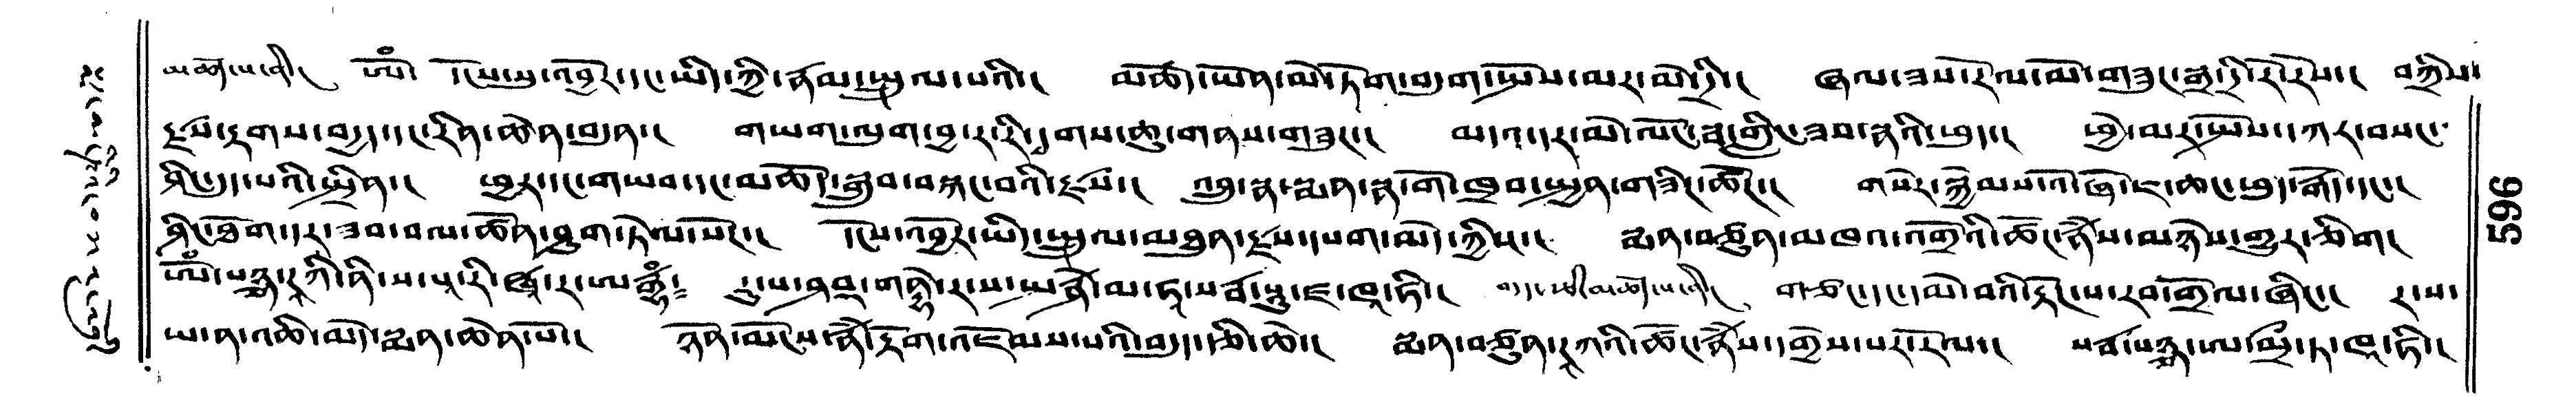མཆོད་པ་ནི། ཨོཾ། དངོས་སུ་འབྱོར་དང་ཡིད་ཀྱི་རྣམ་སྤྲུལ་པའི། །མཆོད་ཡོན་མེ་ཏོག་བདུག་སྤོས་མར་མེ་དྲི། །ཞལ་ཟས་རོལ་མོ་གཟུགས་སྒྲ་དྲི་རོ་རེག །བཀྲ་ཤིས་
རྫས་རྟགས་བརྒྱད་དང་རིན་ཆེན་བདུན། །གཡག་ལུག་བྱ་ར་རི་དྭགས་ཆུ་ནས་གཟུགས། །མདའ་དར་མེ་ལོང་སྦ་གླིང་ཟས་སྣའི་ཕུད། །ཕྱེ་མར་སྤོས་དཀར་བསང་
ཤིང་དུད་པའི་སྤྲིན། །འཕྱར་དར་གཡབ་དར་མཆོད་སྒྲུབ་སྐོང་བའི་རྫས། །འབྲུ་སྣ་སྨན་སྣ་གོ་ཁྲབ་སྤྱན་གཟིགས་ཚོགས། །གསེར་སྐྱེམས་འོ་ཞོ་ཇ་ཆང་ཕུད་རྒོད་དང་། །
ཤིང་ཐོག་དར་ཟབ་བལ་ཚོན་ཤུག་ཏེལ་སོགས། །དངོས་འབྱོར་ཡིད་སྤྲུལ་མཐུན་རྫས་དཔག་མེད་ཀྱིས། །སྨན་བཙུན་མཁའ་འགྲོའི་ཚོགས་རྣམས་མཉེས་གྱུར་ཅིག །
ཨོཾ་པཉྩ་ཌཱཀི་ནི་ས་པཱ་རི་ཝཱ་ར་ཨརྒྷཾ༴ རུ་པ་ཤབྡ་གནྡྷེ་ར་ས་སྤརྴེ་མ་ཧཱ་སརྦ་པཱུ་ཛ་ཁཱ་ཧི།བདུད་རྩིའི་མཆོད་པ་ནི། གཙང་དང་དམེ་བའི་རྟོག་པ་རབ་གྲོལ་ཞིང་། །ར་ས་
ཡ་ན་འཆི་མེད་སྨན་ཆེན་པོ། །ཉོན་མོངས་རྣམ་རྟོག་འཇོམས་པའི་བདུད་རྩི་ཆེ། །སྨན་བཙུན་ཌཱཀིའི་ཚོགས་རྣམས་དགྱེས་པར་རོལ། །སརྦ་པཉྩ་ཨ་མྲྀ་ཏ་ཁཱ་ཧི།